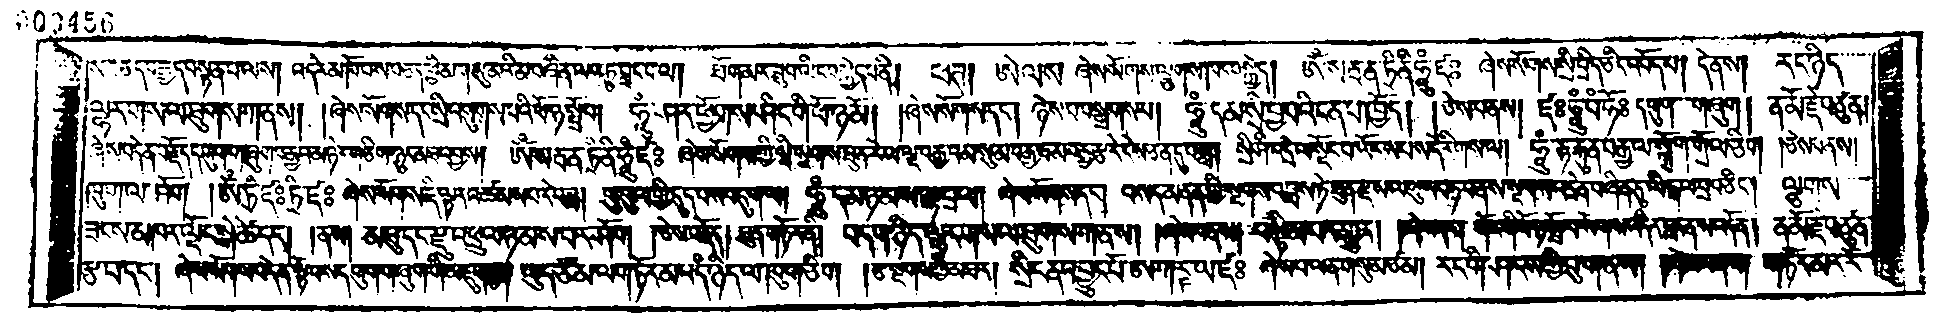ས་བཅད་བརྒྱད་བསྟན་པ་ལས། འདིར་མཁོ་བས་བཅད་ཕྱི་མ་གསུམ་རིམ་བཞིན་ལག་ཏུ་བླང་བ་ལ། ཐོག་མར་ཟུབ་ལིང་བསྐྱེད་པ་ནི། ཕཊ། ཨེ་ལས་ཞེས་སོགས་ལྕགས་ཁང་བསྐྱེད།  ཨོཾ་སརྦ་ན་ཏྲི་ནི་ཧཱུཾ་ཛཿ ཞེས་སོགས་སྲི་བྲིད་ཅིང་འབོད་པ། དེ་ནས།  རང་ཉིད་
ལྷར་གསལ་ཐུགས་ཀ་ནས། །ཞེས་སོགས་དང་སྲི་འགུགས་པའི་ཕོ་ཉ་སྤྲོ་བ།  ཧཱུཾ་ཤར་ཕྱོགས་ཤིང་གི་ཕོ་ཉ་མོ། །ཞེས་སོགས་དང་། ཉེས་པ་བསྒྲགས་པ།  ཧཱུཾ་དམ་སྲི་བྱ་བའི་ངན་པ་ཁྱོད། །ཅེས་པ་ནས།  ཛཿ ཧཱུཾ་བཾ་ཧོཿ དགུག་གཞུག ། ན་མོ་རྗེ་བཙུན།
ཞེས་བདེན་བརྗོད་དགུག་གཞུག་བརྒྱའམ་ཉེར་གཅིག་ཉུང་མཐའ་བྱས།  ཨོཾ་སརྦ་ན་ཏྲི་ནི་ཧཱུཾ་ཛཿ ཞེས་སོགས་ཀྱི་སྲི་སྔགས་ཐུན་རེ་ལ་ལྔ་བརྒྱའམ་སུམ་བརྒྱ་ཐ་མ་བརྒྱ་རྩ་རེ་ངེས་ཅན་དུ་བཟླ། སྲི་ཤི་འདྲེ་ལ་སྡོང་བ་ཡོངས་པས་དེ་རིགས་ལ།  ཧཱུཾ་རྟ་རྐུན་བརྒྱ་ལ་སྐྲོག་གྲོལ་ཅིག་།ཅེས་པ་ནས།  ཁུག་ལ་ཤོག །ཨོཾ་ཏྲི་ཛཿ ཏྲི་ཛཿ ཞེས་སོགས་ཇི་ལྟར་འཚམས་པ་རེ་བཟླ། གུ་གུལ་གྱི་དུད་པས་བདུག་ལ།  ཧཱུཾ་དམ་ཉམས་ལྷ་བྲལ། ཞེས་སོགས་དང་། བསད་མནན་གྱི་སྔགས་བཟླས་ཏེ་ཐུན་རྫས་ལ་ཕུས་བཏབ་ནས་སྔགས་འདྲེན་བཞིན་དུ་ལིངྒ་ལ་བྲབ་ཅིང་།  ལྕགས་
ཟངས་མཁར་ལྡོང་སྐེ་ཚེ་དང་། །ནས།  མཐུ་དང་རྫུ་འཕྲུལ་ཉམས་པར་ཤོག ། ཅེས་བརྗོད། ཐུན་གཏོར་ནི།  བདག་ཉིད་ལྷར་གསལ་ཐུགས་ཀ་?་ནས། ། ཞེས་པ་ནས།  བསྟིམ་པར་གྱུར། །ཞེས་དང་། གོང་གི་ཕོ་ཉ་སྤྲོ་པ་སོགས་འདིར་བླང་ནས་འདོན།  ན་མོ་རྗེ་བཙུན་
རྩ་བ་དང་། ཞེས་སོགས་བདེན་སྟོབས་དགུག་གཞུག་གི་མཇུག་ཏུ།  ཡུད་ཙམ་ལ་གཏོར་མ་འདི་ཉིད་ལ་ཁུག་ཅིག ། རྩ་སྔགས་ཀྱི་མཐར།  སྲི་ངན་འབྱུང་པོ་ཨ་ཀརྟ་ཡ་ཛཿ ཞེས་པ་ལན་གསུམ་ཙམ།  རང་གི་ཤངས་ཀྱི་བུ་ག་ནས། །ཞེས་པ་ནས།  གཏོར་མར་རོ་